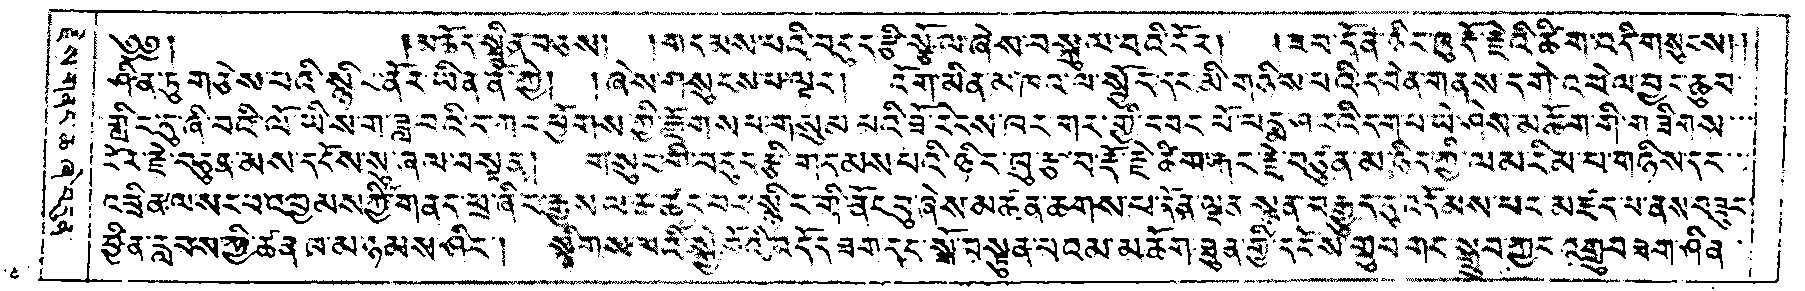༄༅། །མཆོད་སྤྲིན་བཅས། །གདམས་པའི་བདུད་རྩི་སྩོལ་ཞེས་བསྐུལ་བའི་ངོར། །ཟབ་དོན་ཉིང་ཁུ་རྡོ་རྗེའི་ཚིག་འདི་གསུངས། །
ཤིན་ཏུ་གཅེས་པའི་སྙིང་ནོར་ཡིན་ནོ་ཀྱེ། །ཞེས་གསུངས་པ་ལྟར། འོག་མིན་མཁའ་ལ་སྤྱོད་དང་མི་གཉིས་པའི་དབེན་གནས་དགེ་འཕེལ་བྱང་ཆུབ་
གླིང་དུ་ཞི་བའི་ལོ་ཡི་ས་ག་ཟླ་བའི་དཀར་ཕྱོགས་ཀྱི་རྫོགས་པ་གསུམ་པའི་ཐོ་རེངས་ཁར་གར་གྱི་དབང་པོ་པདམ་ཤྭ་རའི་དག་པ་ཡེ་ཤེས་མཆོག་གི་གཟིགས་
ངོར་རྗེ་བཙུན་མས་དངོས་སུ་ཞལ་བསྟན། གསུང་གི་བདུད་རྩི་གདམས་པའི་ཉིང་ཁུ་རྩ་བ་རྡོ་རྗེ་ཚིག་རྐང་རྗེ་བཙུན་མ་ཉིད་ཀྱི་ལམ་རིམ་པ་གཉིས་དང་
འཕྲིན་ལས་རབ་འབྱམས་ཀྱི་གནད་ཕྲ་ཞིང་རྒྱས་ལ་ཆ་ཚང་བར་སྙིང་གི་ནོར་བུ་ཞེས་མཚན་ཆགས་པ་དོན་ལྡན་སྙན་བརྒྱུད་དུ་འདོམས་པར་མཛད་པ་ནས་བཟུང་
བྱིན་རླབས་ཀྱི་ཚན་ཁ་མ་ཉམས་ཤིང་། སྙིགས་མའི་སྐྱེ་བོའི་འདོད་ཐག་དང་སྒོ་བསྟུན་པའམ་མཆོག་ཐུན་གྱི་དངོས་གྲུབ་གང་སྒྲུབ་ཀྱང་འགྲུབ་ཐག་ཤིན་